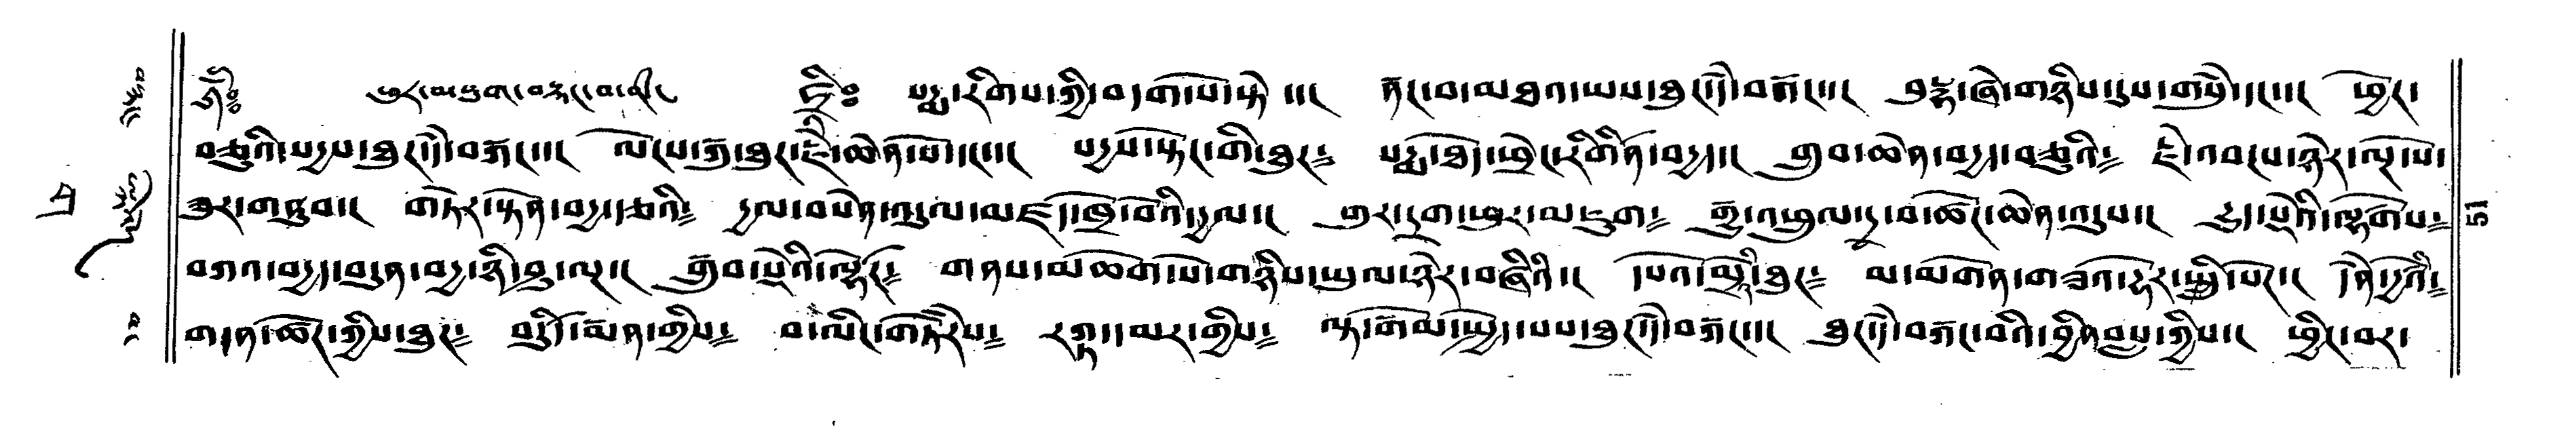༄༅། ཕུར་མཇུག་བསྐང་བ་ནི། ཧྲཱིཿ པདྨ་རིགས་ཀྱི་བདག་པོ་སྟེ། །སྣང་བ་མཐའ་ཡས་ཐུགས་དམ་བསྐང་། །བུདྡྷ་ཞེ་གཉིས་དུས་གསུམ་དང་། །ཕྱོགས་
བཅུའི་སངས་རྒྱས་ཐུགས་དམ་བསྐང་། །ལོངས་སྐུ་ཐུགས་རྗེ་ཆེན་པོ་དང་། སངས་རྒྱས་སྟོང་གི་ཐུགས༴ པདྨ་ཐོད་ཕྲེང་རིག་འཛིན་བརྒྱད། །གྲུབ་ཆེན་བརྒྱད་བཅུའི༴ རྗེ་འབངས་ཉེར་ལྔ་སོ་
ཟུར་གནུབས། །གཏེར་སྟོན་བརྒྱ་རྩའི༴ རྒྱལ་བསེན་འདུལ་མཛད་ཁྲོ་བོའི་རྒྱལ། །གུར་དྲག་ཕུར་མཇུག༴ སྒྱུ་འཕྲུལ་དྲྭ་བ་ཚོགས་ཆེན་འདུས། །རྒྱུད་སྡེའི་ལྷ་ཚོགས༴ 
བཀའ་བརྒྱད་བདུན་བརྒྱ་ཉི་ཤུ་ལྔ། སྒྲུབ་སྡེའི་ལྷ་ཚོགས༴ གནས་མཆོག་སོ་གཉིས་ཡུལ་ཉེར་བཞིའི། །དཔའ་བོ་མཁའ་འགྲོའི་ཐུགས༴ མ་མགོན་གཟའ་རྡོར་སྤུ་གྲི་སོགས། །དམ་ཅན་རྒྱ་མཚོའི༴ 
ག་ནཱ་ཚོགས་ཀྱིས་ཐུགས༴ བདུད་རྩི་སྨན་གྱིས༴ བཱ་ལིང་གཏོར་མེས༴ རཀྟ་དམར་གྱིས༴ ལྟ་སྒོམ་སྤྱོད་པས་ཐུགས་དམ་བསྐང་། །ཐུགས་དམ་བསྐང་བའི་བྱིན་རླབས་ཀྱིས། །ཕྱི་ནང་བར་